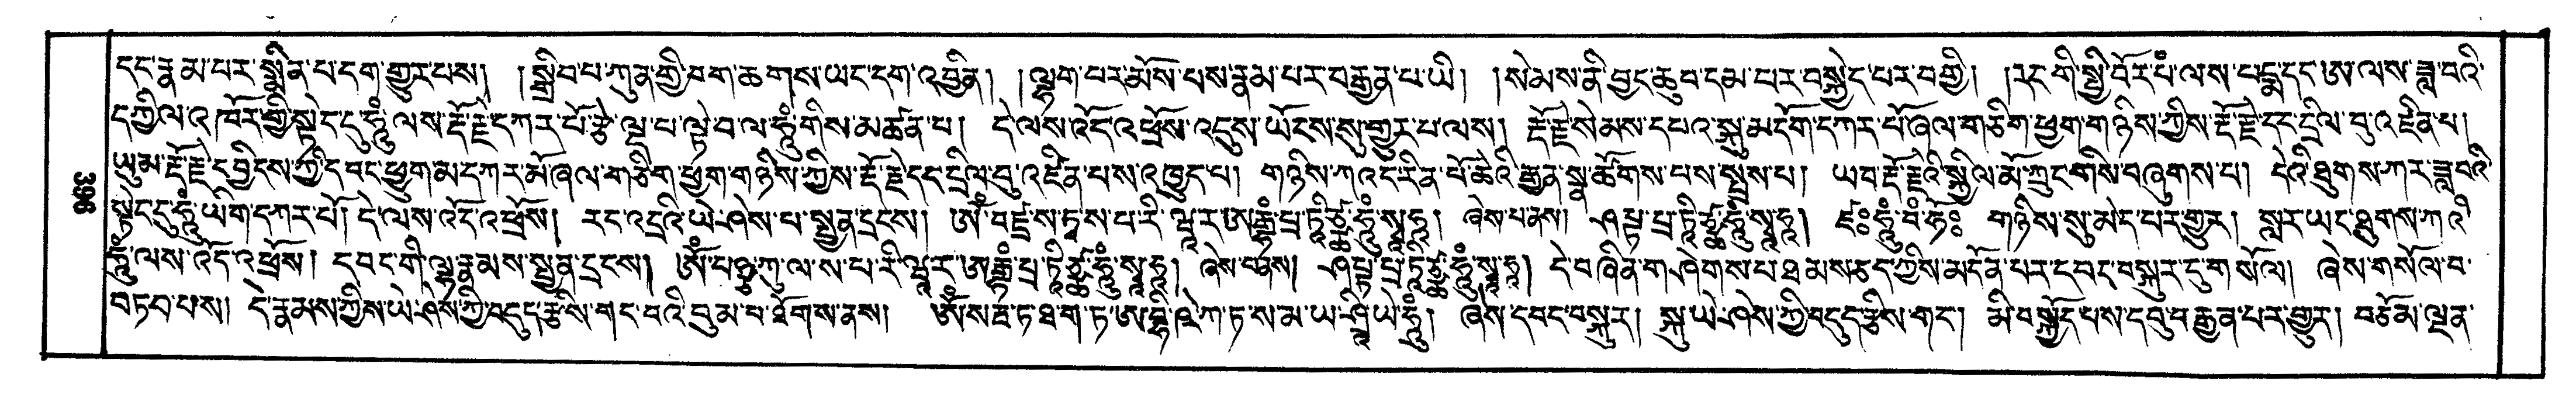དང་རྣམ་པར་སྨིན་པ་དག་གྱུར་པས། །སྒྲིབ་པ་ཀུན་གྱི་བག་ཆགས་ཡང་དག་འབྱིན། །ལྷག་པར་མོས་པས་རྣམ་པར་བརྒྱན་པ་ཡི། །སེམས་ནི་བྱང་ཆུབ་དམ་པར་བསྐྱེད་པར་བགྱི། །རང་གི་སྤྱི་བོར་བཾ་ལས་པདམ་དང་ཨ་ལས་ཟླ་བའི་
དཀྱིལ་འཁོར་གྱི་སྟེང་དུ་ཧཱུཾ་ལས་རྡོ་རྗེ་དཀར་པོ་རྩེ་ལྔ་པ་ལྟེ་བ་ལ་ཧཱུཾ་གིས་མཚན་པ། དེ་ལས་འོད་འཕྲོས་འདུས་ཡོངས་སུ་གྱུར་པ་ལས། རྡོ་རྗེ་སེམས་དཔའ་སྐུ་མདོག་དཀར་པོ་ཞལ་གཅིག་ཕྱག་གཉིས་ཀྱིས་རྡོ་རྗེ་དང་དྲིལ་བུ་འཛིན་པ།
ཡུམ་རྡོ་རྗེ་དབྱིངས་ཀྱི་དབང་ཕྱུག་མ་དཀར་མོ་ཞལ་གཅིག་ཕྱག་གཉིས་ཀྱིས་རྡོ་རྗེ་དང་དྲིལ་བུ་འཛིན་པས་འཁྱུད་པ། གཉིས་ཀའང་རིན་པོ་ཆེའི་རྒྱན་སྣ་ཚོགས་པས་སྤྲས་པ། ཡབ་རྡོ་རྗེའི་སྐྱིལ་མོ་ཀྲུང་གིས་བཞུགས་པ། དེའི་ཐུགས་ཀར་ཟླ་བའི་
སྟེང་དུ་ཧཱུཾ་ཡིག་དཀར་པོ། དེ་ལས་འོད་འཕྲོས། རང་འདྲའི་ཡེ་ཤེས་པ་སྤྱན་དྲངས། ཨོཾ་བཛྲ་ས་ཏྭ་ས་པ་རི་ཝཱ་ར་ཨརྒྷཾ་པྲ་ཏཱི་ཙྪ་ཧཱུཾ་སྭཱ་ཧཱ། ཞེས་པ་ནས། ཤཔྟ་པྲ་ཏཱི་ཙྪ་སྭཱ་ཧཱ། ཛཿ ཧཱུཾ་བཾ་ཧོཿ གཉིས་སུ་མེད་པར་གྱུར། སླར་ཡང་ཐུགས་ཀའི་
ཧཱུཾ་ལས་འོད་འཕྲོས། དབང་གི་ལྷ་རྣམས་སྤྱན་དྲངས། ཨོཾ་པཉྩ་ཀུ་ལ་ས་པ་རི་ཝཱ་ར་ཨརྒྷཾ་པྲ་ཏཱི་ཙྪ་ཧཱུཾ་སྭཱ་ཧཱ། ཞེས་པ་ནས། ཤཔྟ་པྲ་ཏཱི་ཙྪ་ཧཱུཾ་སྭཱ་ཧཱ། དེ་བཞིན་གཤེགས་པ་ཐམས་ཅད་ཀྱིས་མངོན་པར་དབང་བསྐུར་དུ་གསོལ། ཞེས་གསོལ་བ་
བཏབ་པས། དེ་རྣམས་ཀྱིས་ཡེ་ཤེས་ཀྱི་བདུད་རྩིས་གང་བའི་བུམ་པ་ཐོགས་ནས། ཨོཾ་སརྦ་ཏ་ཐཱ་ག་ཏ་ཨ་བྷི་ཥེ་ཀ་ར་ས་མ་ཡ་ཤྲཱི་ཡེ་ཧཱུཾ། ཞེས་དབང་བསྐུར། སྐུ་ཡེ་ཤེས་ཀྱི་བདུད་རྩིས་གང་། མི་བསྐྱོད་པས་དབུ་བརྒྱན་པར་གྱུར། བཅོམ་ལྡན་